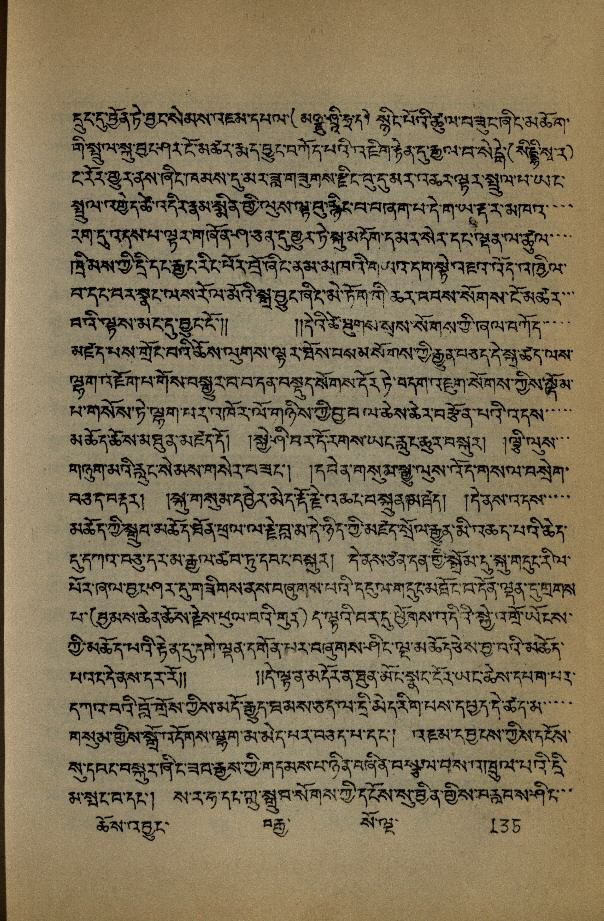དྲུང་དུ་བྱོན་ཏེ་བྱང་སེམས་འཇམ་དཔལ་མཉྫུ་ཤྲཱི་ཧྲ་ད་སྙིང་པོའི་ཚུལ་བཟུང་ཞིང་མཆོག་
གི་སྤྲུལ་སྐུ་བྱང་ཤར་ངོ་མཚར་རྨད་བྱུང་བཀོད་པའི་འཇིག་རྟེན་དུ་རྒྱལ་བ་སེངྒེསིདྡྷི་སྭ་ར
ང་རོར་གྱུར་ནས་ཞིང་ཁམས་དུ་མར་ཟླ་གཟུགས་རྫིང་བུ་དུ་མར་འཆར་ལྟར་སྤྲུལ་པ་ཡང་
སྤྲུལ་འགྱེད་ཚེ་འདིར་རྣམ་སྨིན་གྱི་ལུས་ལྟ་བུ་རྙིང་བ་བཞག་པ་དེ་ག་ཡ་རྡ་ར་མཁའ་
རག་དུ་འདས་པ་ལྟར་གཞོན་ཤ་ཅན་དུ་གྱུར་ཏེ་སྐུ་མདོག་དམར་སེར་དང་ལྡན་ལ་ཚུལ་
ཁྲིམས་ཀྱི་དྲི་དང་རྒྱང་རིང་པོར་བྲོ་ཞིང་ནམ་མཁའི་གཡའ་དག་སྟེ་འཇའ་འོད་འཁྱིལ་
བ་དང་བར་སྣང་ལས་རོལ་མོའི་སྒྲ་བྱུང་ཞིང་མེ་ཏོག་གི་ཆར་བབས་སོགས་ངོ་མཚར་
བའི་ལྟས་མང་དུ་བྱུང་ངོ།། །།དེའི་ཚེ་ཐུགས་སྲས་སོགས་ཀྱི་ཞལ་བཀོད་
མཛད་པས་གྲོང་བའི་ཆོས་ལུགས་ལྟར་ཐོས་བསམ་སོགས་ཀྱི་རྒྱུན་བཅད་དེ་སྐྲ་ཚད་ལས་
ལྷག་འཇོག་པ་གོས་བསྒྱུར་བ་བ་དན་བསྡུད་སོགས་དོར་ཏེ་བདག་འཇུག་སོགས་ཀྱིས་སྡོམ་
པ་གསོས་ཏེ་ལྷག་པར་འཁོར་ལོ་གཉིས་ཀྱི་བྱ་བ་ལ་ཆེས་ཆེར་བརྩོན་པའི་འདས་
མཆོད་ཆོས་མཐུན་མཛད་དོ། །སྐྱེ་ཤི་བར་དོ་རགས་ཡང་རླུང་ཆུར་བསྐུར། །ལྕི་ལུས་
གཉུག་མའི་རླུང་སེམས་གསེར་བཟང་། །དབེན་གསུམ་སྒྱུ་ལུས་འོད་གསལ་བསྲེག་
བཅད་བརྡར། །སྐུ་གསུམ་དབྱེར་མེད་རྡོ་རྗེ་འཆང་བསྐྲུན་མཛད། །དེ་ནས་འདས་
མཆོད་ཀྱི་སྒྲུབ་མཆོད་ཐོན་ཕྲལ་ལ་རྗེ་བླ་མ་དེ་ཉིད་ཀྱི་མཛད་སྲོལ་རྒྱུན་མི་འཆད་པའི་ཆེད་
དུ་དཀའ་བཅུ་དར་མ་རྒྱལ་ཚབ་ཏུ་དབང་བསྐུར། དེ་ནས་ཙན་དན་གྱི་སྒྲོམ་དུ་སྐུ་གདུང་རིལ་
པོར་ཞལ་བྱང་ཤར་དུ་གཟིགས་ནས་བཞུགས་པའི་དངུལ་གདུང་མཐོང་བ་དོན་ལྡན་དུ་གྲགས་
པ་བྱམས་ཆེན་ཆོས་རྗེས་ཕུལ་བའི་གུར་ད་ལྟའི་བར་དུ་ཕྱོགས་འདིའི་སྐྱེ་འགྲོ་ཡོངས་
ཀྱི་མཆོད་པའི་རྟེན་དུ་དགེ་ལྡན་དགོན་པར་བཞུགས་ཤིང་ལྔ་མཆོད་ཅེས་བྱ་བའི་མཆོད་
པའང་དེ་ནས་དར་རོ།། །།དེ་ལྟ་ན་མདོར་ན་ཐུན་མོང་སྣང་ངོར་ཡང་ཆེས་དཔག་པར་
དཀའ་བའི་བློ་གྲོས་ཀྱིས་མདོ་རྒྱུད་ཐམས་ཅད་ལ་དྲི་མེད་རིག་པས་དཔྱད་དེ་ཚད་མ་
གསུམ་གྱིས་སྒྲོ་འདོགས་ལྷག་མ་མེད་པར་བཅད་པ་དང་། འཇམ་དབྱངས་ཀྱིས་དངོས་
སུ་དབང་བསྐུར་ཞིང་ཟབ་རྒྱས་ཀྱི་གདམས་པ་ཉིན་བཞིན་བསྩལ་བས་འཁྲུལ་པའི་དྲི་
མ་སྤང་བ་དང་། ས་ར་ཧ་དང་ཀླུ་སྒྲུབ་སོགས་ཀྱི་དངོས་སུ་བྱིན་གྱིས་བརླབས་ཤིང་